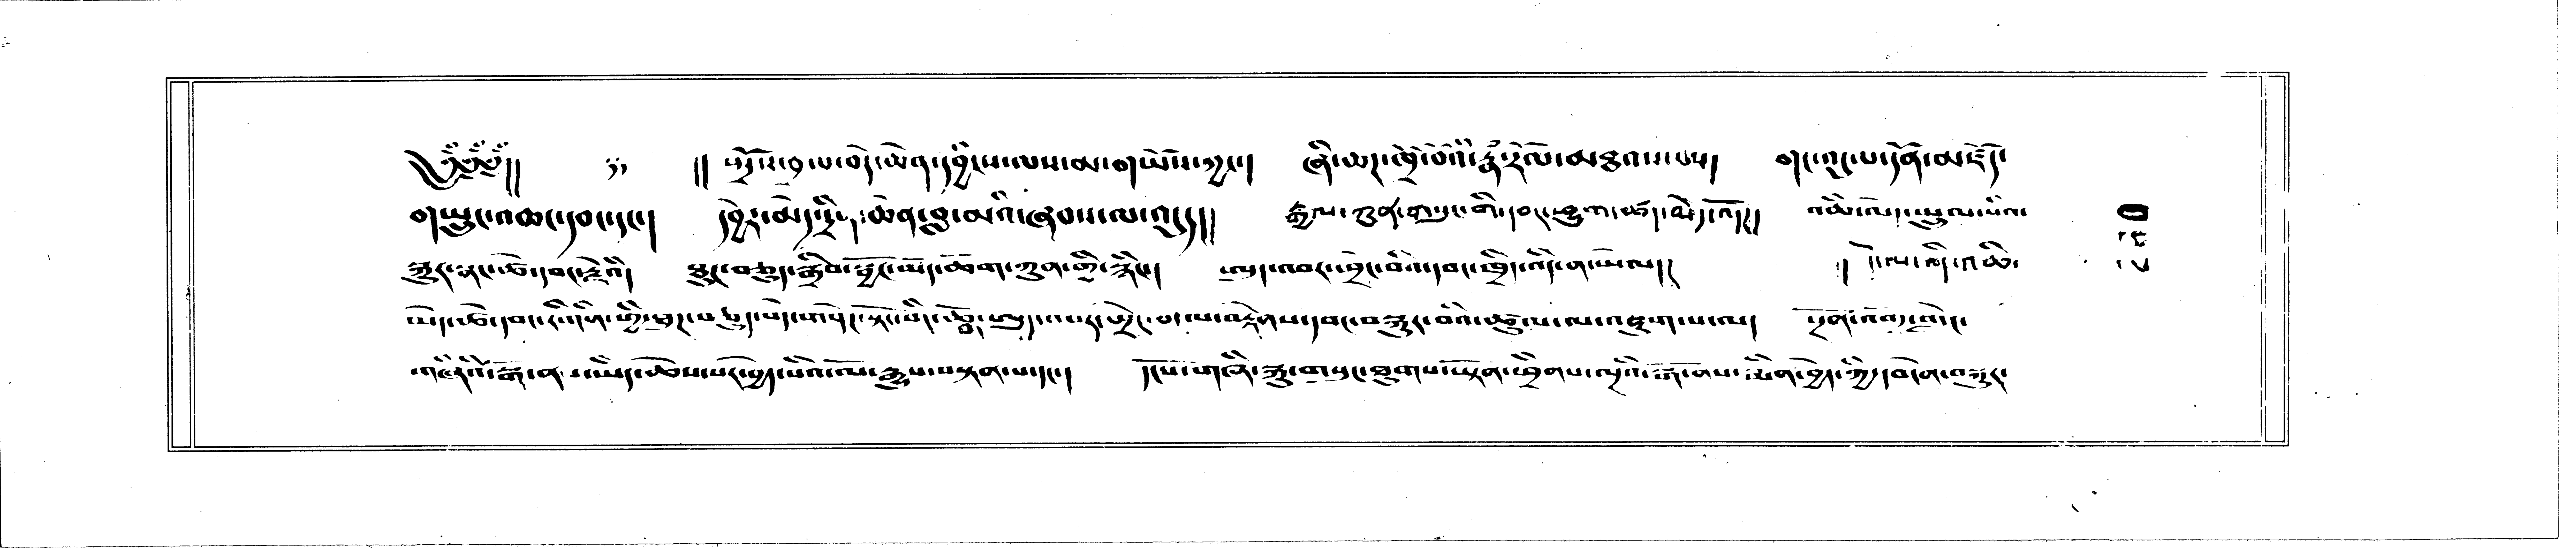སྤྲོས་བྲལ་བདེ་ཆེན་ངང་ལས་མ་གཡོས་ཀྱང་། ཞི་ཆགས་ཁྲོ་བོའི་རྣམ་རོལ་མཐའ་ཡས་པས། གང་འདུལ་དོན་མཛད་
གཡུང་དྲུང་འཆང་དབང་དང་། དབྱེར་མེད་དྲིན་ཆེན་བླ་མའི་ཞབས་ལ་འདུད།རྒྱལ་ཀུན་གསུང་གི་དབང་ཕྱུག་ཚད་མེད་འོད། འཆི་མེད་སྤྲུལ་པའི་
སྐུར་སྣང་ཚེ་དབང་རྗེའིཿ ཐུགས་བཅུད་སྒྲིབ་སྦྱོང་མདོ་ཆོག་ཀུན་གྱི་སྙིང་། ཨུད་འབར་ཕྲེང་བའི་དབང་ཁྲིད་འདི་ན་སྤེལཿ དེ་ལ་འདིར་འཆི་
མེད་ཚེ་དབང་རིག་འཛིན་གྱི་ཐུགས་བཅུད་བདེར་གཤེགས་སྟོང་གི་ཆོ་ག་ཨུད་འབར་ཕྲེང་བ་ལ་བརྟེན་ནས་དབང་བསྐུར་བའི་ཚུལ་ལ་འཇུག་པ་ལཿ སྔོན་འགྲོ་གླེང་
གཞིའི་སྒོ་ནས་ཡིད་ཆེས་པར་བྱ་བའི་ལོ་རྒྱུས་བསྟན་པ་དངཿ དངོས་གཞི་སྐུ་གསུང་ཐུགས་ཡོན་ཏན་འཕྲིན་ལས་ལྔའི་སྒོ་ནས་སྨིན་བྱེད་ཀྱི་དབང་ཆེན་བསྐུར་